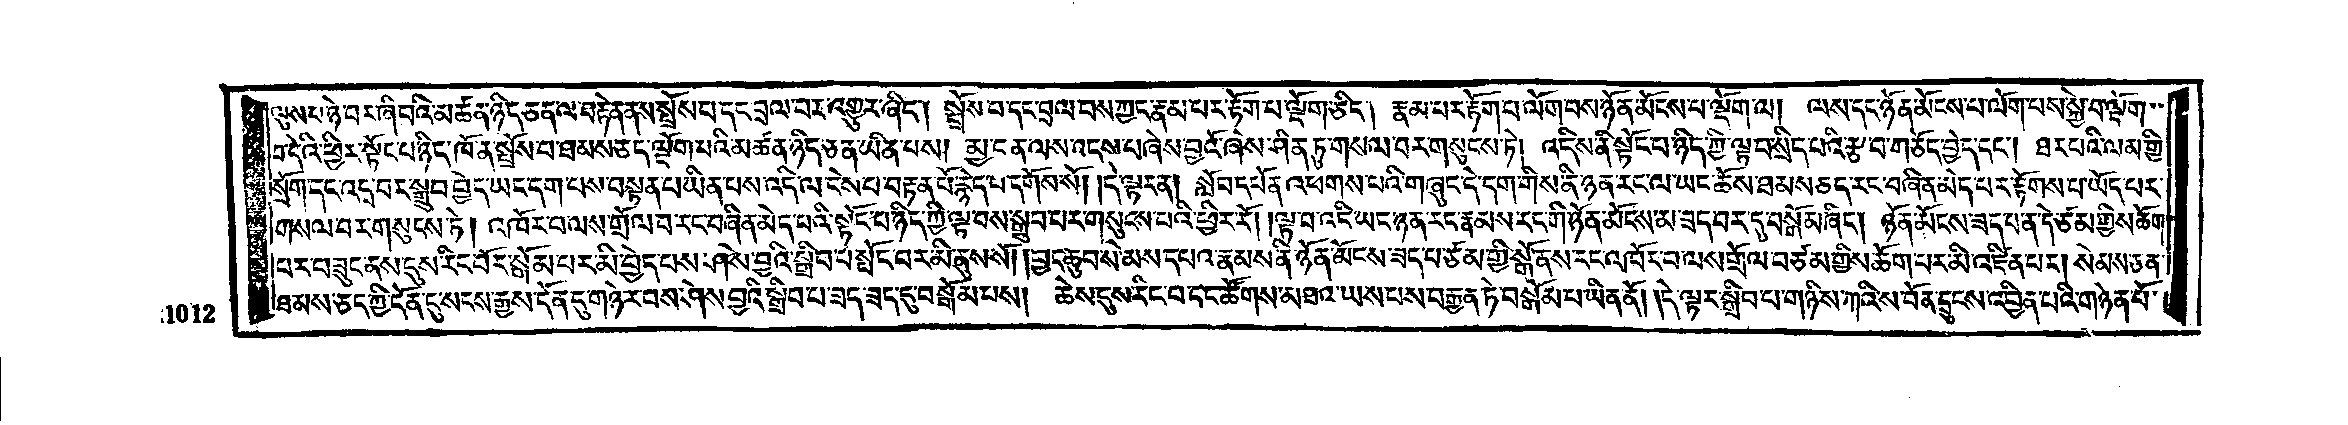ལུས་པ་ཉེ་བར་ཞི་བའི་མཚན་ཉིད་ཅན་ལ་བརྟེན་ནས་སྤྲོས་པ་དང་བྲལ་བར་འགྱུར་ཞིང་། སྤྲོས་པ་དང་བྲལ་བས་ཀྱང་རྣམ་པར་རྟོག་པ་ལྡོག་ཅིང་། རྣམ་པར་རྟོག་པ་ལོག་པས་ཉོན་མོངས་པ་ལྡོག་ལ། ལས་དང་ཉོན་མོངས་པ་ལོག་པས་སྐྱེ་བ་ལྡོག་
པ་དེའི་ཕྱིར་སྟོང་པ་ཉིད་ཁོ་ན་སྤྲོས་པ་ཐམས་ཅད་ལྡོག་པའི་མཚན་ཉིད་ཅན་ཡིན་པས། མྱ་ངན་ལས་འདས་པ་ཞེས་བྱའོ་ཞེས་ཤིན་ཏུ་གསལ་བར་གསུངས་ཏེ། འདིས་ནི་སྟོང་པ་ཉིད་ཀྱི་ལྟ་བ་སྲིད་པའི་རྩ་བ་གཅོད་བྱེད་དང་། ཐར་པའི་ལམ་གྱི་
སྲོག་དང་འདྲ་བར་སྒྲུབ་བྱེད་ཡང་དག་པས་བསྟན་པ་ཡིན་པས་འདི་ལ་ངེས་པ་བརྟན་པོ་རྙེད་པ་དགོས་སོ། །དེ་ལྟར་ན། སློབ་དཔོན་འཕགས་པའི་གཞུང་དེ་དག་གིས་ནི་ཉན་རང་ལ་ཡང་ཆོས་ཐམས་ཅད་རང་བཞིན་མེད་པར་རྟོགས་པ་ཡོད་པར་
གསལ་བར་གསུངས་ཏེ། འཁོར་བ་ལས་གྲོལ་བ་རང་བཞིན་མེད་པའི་སྟོང་པ་ཉིད་ཀྱི་ལྟ་བས་སྒྲུབ་པར་གསུངས་པའི་ཕྱིར་རོ། །ལྟ་བ་འདི་ཡང་ཉན་རང་རྣམས་རང་གི་ཉོན་མོངས་མ་ཟད་བར་དུ་བསྒོམ་ཞིང་། ཉོན་མོངས་ཟད་པ་ན་དེ་ཙམ་གྱིས་ཆོག་
པར་བཟུང་ནས་དུས་རིང་པོར་སྒོམ་པར་མི་བྱེད་པས་ཤེས་བྱའི་སྒྲིབ་པ་སྤོང་བར་མི་ནུས་སོ། །བྱང་ཆུབ་སེམས་དཔའ་རྣམས་ནི་ཉོན་མོངས་ཟད་པ་ཙམ་གྱི་སྒོ་ནས་རང་འཁོར་བ་ལས་གྲོལ་བ་ཙམ་གྱིས་ཆོག་པར་མི་འཛིན་པར། སེམས་ཅན་
ཐམས་ཅད་ཀྱི་དོན་དུ་སངས་རྒྱས་དོན་དུ་གཉེར་བས་ཤེས་བྱའི་སྒྲིབ་པ་ཟད་ཟད་དུ་བསྒོམ་པས། ཆེས་དུས་རིང་བ་དང་ཚོགས་མཐའ་ཡས་པས་བརྒྱན་ཏེ་བསྒོམ་པ་ཡིན་ནོ། །དེ་ལྟར་སྒྲིབ་པ་གཉིས་ཀའི་ས་བོན་དྲུངས་འབྱིན་པའི་གཉེན་པོ་